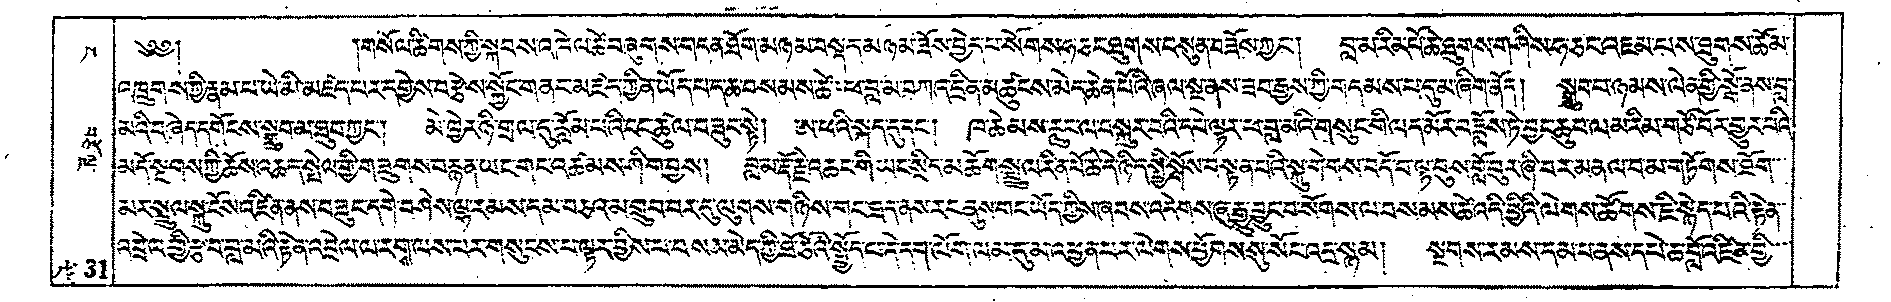༄༅། །གསོལ་ཚིགས་ཀྱི་སྐབས་འཁེལ་ཚེ་བཞུགས་གདན་ཐོག་མཉམ་བསྡད་མཉམ་ཟོས་བྱེད་པ་སོགས་ཧ་ཅང་ཐུགས་བསུན་བཟོས་ཀྱང་། བླ་མ་རིན་པོ་ཆེ་ཐུགས་གཤིས་ཧ་ཅང་འཇམ་པས་ཐུགས་ཚོམ་
འཁྲུགས་ཀྱི་རྣམ་པ་ཡེ་མི་མཛད་པར་དགྱེས་བརྩེས་སྐྱོང་གནང་མཛད་ཀྱིན་ཡོད་པ་ད་ཆ་བསམས་ཚེ་༧ཕ་བླ་མ་བཀའ་དྲིན་མཚུངས་མེད་ཆེན་པོའི་ཞལ་སྔ་ནས་ཟབ་རྒྱས་ཀྱི་གདམས་པ་དུ་མ་ཞིག་ནོད། སྒྲུབ་པ་ཉམས་ལེན་གྱི་སྒོ་ནས་བླ་
མའི་བཞེད་དགོངས་སྒྲུབ་མ་ཐུབ་ཀྱང་། མེ་ཁྱེར་ཉི་གྲལ་དུ་རློམ་པའི་ངང་ཚུལ་བཟུང་སྟེ། ཨ་ཕའི་སྐད་དུ་དང་། ཁ་ཆེམས་རླུང་ལ་བསྐུར་བའི་དཔེ་ལྟར་ཕ་བླ་མའི་གསུང་གི་ལད་མོར་བཟློས་ཏེ་བྱང་ཆུབ་ལམ་རིམ་གཙོ་བོར་གྱུར་པའི་
མདོ་སྔགས་ཀྱི་ཆོས་འཆད་སྤེལ་གྱི་གཟུགས་བརྙན་ཡང་གང་འཚམས་ཤིག་བྱས། བླ་མ་རྡོ་རྗེ་འཆང་གི་ཡང་སྲིད་མཆོག་སྤྲུལ་རིན་པོ་ཆེ་དེ་ཉིད་སྤྱི་སྒོས་བསྟན་པའི་སྐུ་གེགས་བདོ་བ་ལྟ་བུས་གློ་བུར་ཞི་བར་མནལ་བ་མ་གཏོགས་ཐོག་
མར་སྤྲུལ་སྐུ་ངོས་འཛིན་ནས་བཟུང་དགེ་བཤེས་ལྷ་རམས་དམ་བཅའ་མ་གྲུབ་བར་དུ་ལུགས་གཉིས་གང་ཐད་ནས་རང་ནུས་གང་ཡོད་ཀྱིས་ཞབས་འདེགས་ཞུ་རྒྱུ་བྱུང་བ་སོགས་ལ་བསམས་ཚེ་འདི་ཕྱིའི་ལེགས་ཚོགས་ཇི་སྙེད་པའི་རྟེན་
འབྲེལ་གྱི་རྩ་བ་བླ་མའི་རྟེན་འབྲེལ་ལ་རགས་ལས་པར་གསུངས་པ་ལྟར་བྱིས་པ་བསམ་མེད་ཀྱི་ཐོ་ཅོའི་སྤྱོད་པ་དེ་དག་ལོག་ལམ་དུ་མ་འཕྱན་པར་ལེགས་ཕྱོགས་སུ་སོང་འདྲ་སྙམ། སྔགས་རམས་དམ་པ་ནས་དཔེ་ཆ་བློ་འཛིན་གྱི་